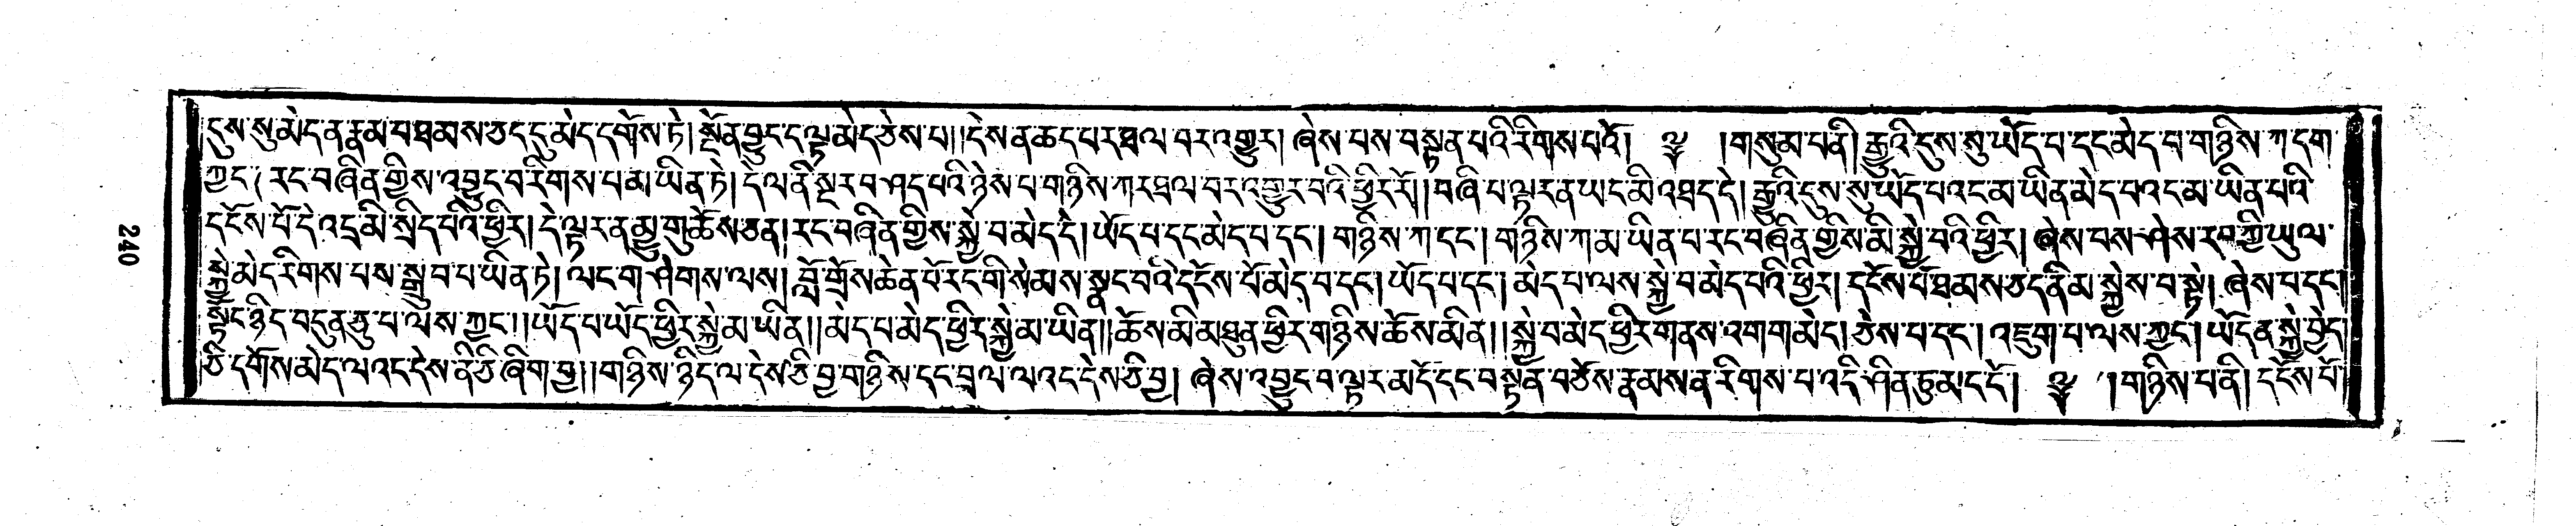དུས་སུ་མེད་ན་རྣམ་པ་ཐམས་ཅད་དུ་མེད་དགོས་ཏེ། སྔོན་བྱུང་ད་ལྟ་མེད་ཅེས་པ། །དེས་ན་ཆད་པར་ཐལ་བར་འགྱུར། ཞེས་པས་བསྟན་པའི་རིགས་པའོ། ༈ །གསུམ་པ་ནི། རྒྱུའི་དུས་སུ་ཡོད་པ་དང་མེད་པ་གཉིས་ཀ་དག་
ཀྱང་། རང་བཞིན་གྱིས་འབྱུང་བ་རིགས་པ་མ་ཡིན་ཏེ། དེ་ལ་ནི་སྔར་བཤད་པའི་ཉེས་པ་གཉིས་ཀར་ཐལ་བར་འགྱུར་བའི་ཕྱིར་རོ། །བཞི་པ་ལྟར་ན་ཡང་མི་འཐད་དེ། རྒྱུའི་དུས་སུ་ཡོད་པའང་མ་ཡིན་མེད་པའང་མ་ཡིན་པའི་
དངོས་པོ་དེ་འདྲ་མི་སྲིད་པའི་ཕྱིར། དེ་ལྟར་ན་མྱུ་གུ་ཆོས་ཅན། རང་བཞིན་གྱིས་སྐྱེ་བ་མེད་དེ། ཡོད་པ་དང་མེད་པ་དང་། གཉིས་ཀ་དང་། གཉིས་ཀ་མ་ཡིན་པ་རང་བཞིན་གྱིས་མི་སྐྱེ་བའི་ཕྱིར། ཞེས་པས་ཤེས་རབ་ཀྱི་ཡུལ་
སྐྱེ་མེད་རིགས་པས་སྒྲུབ་པ་ཡིན་ཏེ། ལང་གཤེགས་ལས། བློ་གྲོས་ཆེན་པོ་རང་གི་སེམས་སྣང་བའི་དངོས་པོ་མེད་པ་དང་། ཡོད་པ་དང་། མེད་པ་ལས་སྐྱེ་བ་མེད་པའི་ཕྱིར། དངོས་པོ་ཐམས་ཅད་ནི་མ་སྐྱེས་པ་སྟེ། ཞེས་པ་དང་།
སྟོང་ཉིད་བདུན་ཅུ་པ་ལས་ཀྱང་། །ཡོད་པ་ཡོད་ཕྱིར་སྐྱེ་མ་ཡིན། །མེད་པ་མེད་ཕྱིར་སྐྱེ་མ་ཡིན། །ཆོས་མི་མཐུན་ཕྱིར་གཉིས་ཆོས་མིན། །སྐྱེ་བ་མེད་ཕྱིར་གནས་འགག་མེད། ཅེས་པ་དང་། འཇུག་པ་ལས་ཀྱང་། ཡོད་ན་སྐྱེ་བྱེད་
ཅི་དགོས་མེད་ལའང་དེས་ནི་ཅི་ཞིག་བྱ། །གཉིས་ཉིད་ལ་དེས་ཅི་བྱ་གཉིས་དང་བྲལ་ལའང་དེས་ཅི་བྱ། ཞེས་འབྱུང་བ་ལྟར་མདོ་དང་བསྟན་བཅོས་རྣམས་ན་རིགས་པ་འདི་ཤིན་ཏུ་མང་ངོ། ༈ །གཉིས་པ་ནི། དངོས་པོ་